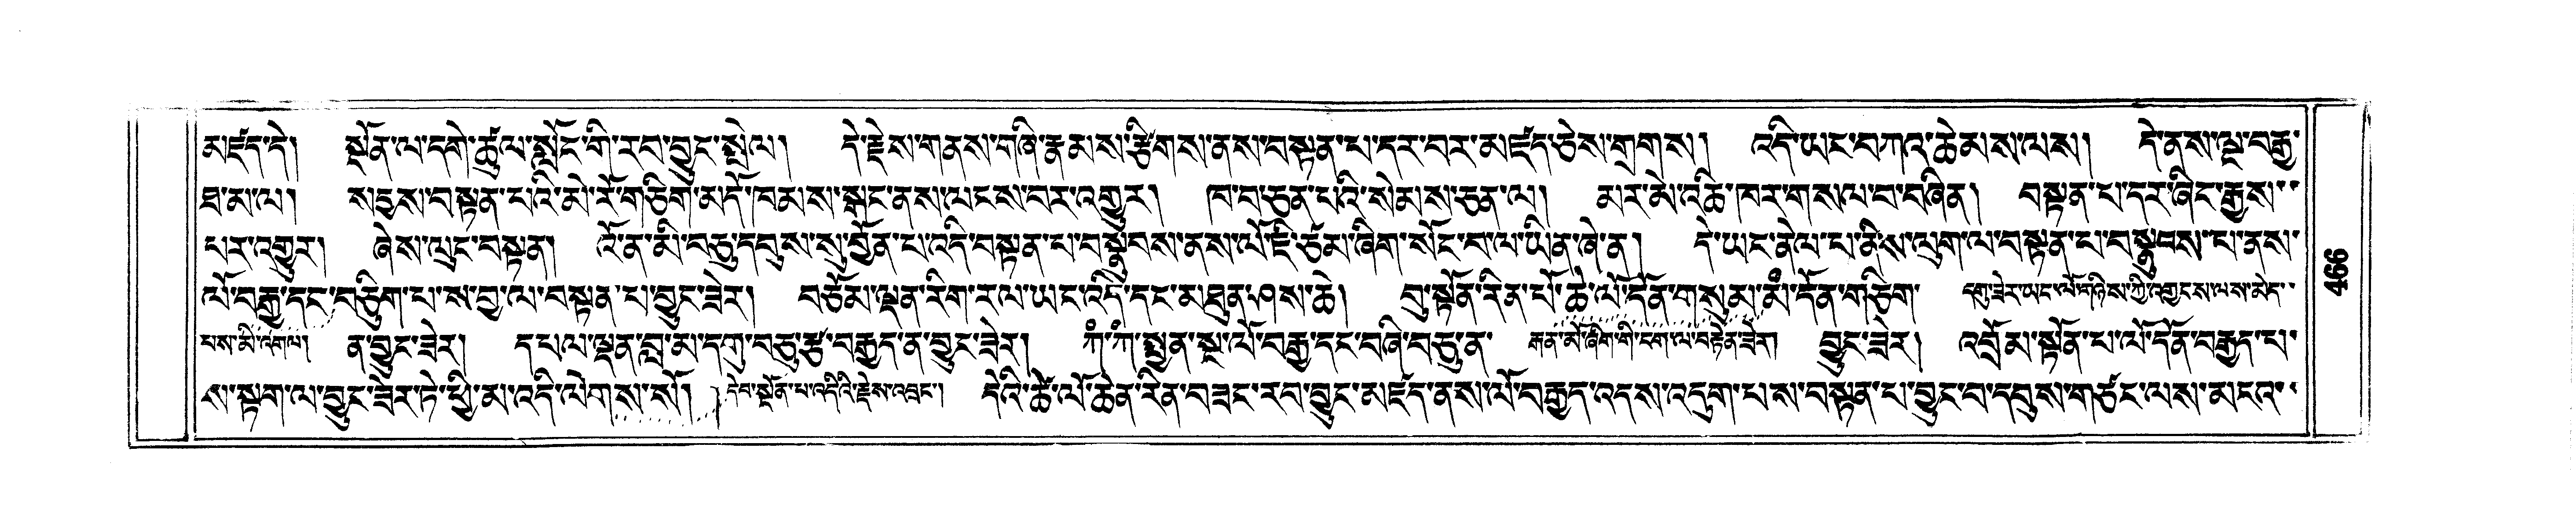མཛད་དེ། སྔོན་ལ་དགེ་ཚུལ་སློང་གི་རབ་བྱུང་སྤེལ། དེ་རྗེས་གནས་གཞི་རྣམས་རྩིགས་ནས་བསྟན་པ་དར་བར་མཛད་ཅེས་གྲགས། འདི་ཡང་བཀའ་ཆེམས་ལས། དེ་ནས་ལྔ་བརྒྱ་
ཐ་མ་ལ། སདྱས་བསྟན་པའི་མེ་རོ་གཅིག་མདོ་ཁམས་སྒང་ནས་ལངས་བར་འགྱུར། ཁ་བ་ཅན་པའི་སེམས་ཅན་ལ། མར་མེ་འཆི་ཁར་གསལ་བ་བཞིན། བསྟན་པ་དར་ཞིང་རྒྱས་
པར་འགྱུར། ཞེས་ལུང་བསྟན། འོ་ན་མི་བཅུ་དབུས་སུ་བྱོན་པ་འདི་བསྟན་པ་བསྣུབས་ནས་ལོ་ཇི་ཙམ་ཞིག་སོང་བ་ལ་ཡིན་ཞེ་ན། དེ་ཡང་ནེལ་པ་ནི་ས་ལུག་ལ་བསྟན་པ་བསྣུབས་པ་ནས་
ལོ་བརྒྱ་དང་བཅུཨིག་པ་ས་བྱ་ལ་བསྟན་པ་བྱུང་ཟེར། བཅོམ་ལྡན་རིག་རལ་ཡང་འདི་དང་མཐུན་ཤས་ཆེ། བུ་སྟོན་རིན་པོ་ཆེ་ལོ་དོན་གསུམ་མཾ་དོན་གཅིག་དགུ་ཟེར་ཡང་ལོ་གཉིས་ཀྱི་འགྱངས་ལས་མེད་
པས་མི་འགལ། ན་བྱུང་ཟེར། དཔལ་ལྡན་བླ་མ་དགུ་བཅུ་རྩ་བརྒྱད་ན་བྱུང་ཟེར། ཀཾ་ཀཾ་སྤྱན་སྔ་ལོ་བརྒྱ་དང་བཞི་བཅུ་ན། རྒན་མོ་ཞིག་གི་ངག་ལ་བརྟེན་ཟེར།  བྱུང་ཟེར། འབྲོམ་སྟོན་པ་ལོ་དོན་བརྒྱད་པ་
ས་སྟག་ལ་བྱུང་ཟེར་ཏེ་ཕྱི་མ་འདི་ལེགས་སོ། །དེབ་སྔོན་པ་འདིའི་རྗེས་འབྲང་།  དེའི་ཚེ་ལོ་ཆེན་རིན་བཟང་རབ་བྱུང་མཛད་ནས་ལོ་བརྒྱད་འདས་འདུག་པས་བསྟན་པ་བྱུང་བ་དབུས་གཙང་ལས་མངའ་